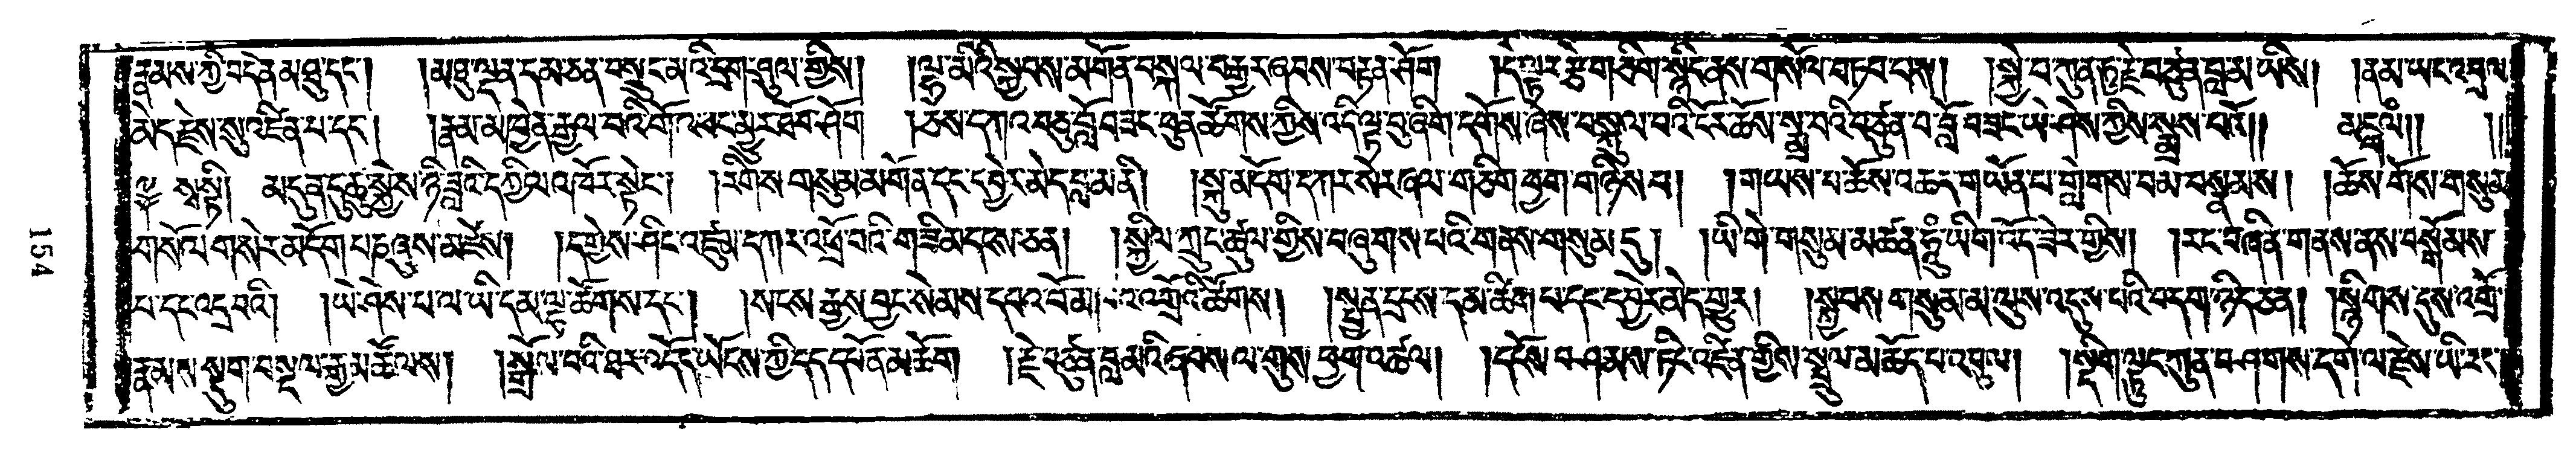རྣམས་ཀྱི་བདེན་མཐུ་དང་། །མཐུ་ལྡན་དམ་ཅན་བསྲུང་མའི་དྲག་ཤུལ་གྱིས། །ལྷ་མིའི་སྐྱབས་མགོན་བསྐལ་བརྒྱར་ཞབས་བརྟན་ཤོག །དེ་ལྟར་རྩེ་གཅིག་སྙིང་ནས་གསོལ་བཏབ་བས། །སྐྱེ་བ་ཀུན་ཏུ་རྗེ་བཙུན་བླ་མ་ཡིས། །ནམ་ཡང་འབྲལ་
མེད་རྗེས་སུ་འཛིན་པ་དང་། །རྣམ་མཁྱེན་རྒྱལ་བའི་གོ་འཕང་མྱུར་ཐོབ་ཤོག །ཅེས་དཀའ་བཅུ་བློ་བཟང་ཕུན་ཚོགས་ཀྱིས་འདི་ལྟ་བུ་ཞིག་དགོས་ཞེས་བསྐུལ་བའི་ངོར་ཆོས་སྨྲ་བའི་བཙུན་བ་བློ་བཟང་ཡེ་ཤེས་ཀྱིས་སྨྲས་བའོ།། མངྒལཾ།། །།
༈ སྭསྟི། མདུན་དུ་ཆུ་སྐྱེས་ཉི་ཟླའི་དཀྱིལ་འཁོར་སྟེང་། །རིགས་གསུམ་མགོན་དང་དབྱེར་མེད་བླ་མ་ནི། །སྐུ་མདོག་དཀར་སེར་ཞལ་གཅིག་ཕྱག་གཉིས་བ། །གཡས་པ་ཆོས་འཆད་གཡོན་པ་གླེགས་བམ་བསྣམས། །ཆོས་གོས་གསུམ་
གསོལ་གསེར་མདོག་པཎ་ཞུས་མཛེས། །དགྱེས་ཤིང་འཛུམ་དཀར་འཕྲོ་བའི་གཟི་མདངས་ཅན། །སྐྱིལ་ཀྲུང་ཚུལ་གྱིས་བཞུགས་པའི་གནས་གསུམ་དུ། །ཡི་གེ་གསུམ་མཚན་ཧཱུཾ་ཡིག་འོད་ཟེར་གྱིས། །རང་བཞིན་གནས་ནས་བསྒོམས་
པ་དང་འདྲ་བའི། །ཡེ་ཤེས་པ་ལ་ཡི་དམ་ལྷ་ཚོགས་དང་། །སངས་རྒྱས་བྱང་སེམས་དཔའ་བོ་མཁའ་འགྲོའི་ཚོགས། །སྤྱན་དྲངས་དམ་ཚིག་པ་དང་དབྱེར་མེད་གྱུར། །སྐྱབས་གསུམ་མ་ལུས་འདུས་པའི་བདག་ཉིད་ཅན། །སྙིགས་དུས་འགྲོ་
རྣམས་སྡུག་བསྔལ་རྒྱ་མཚོ་ལས། །སྒྲོལ་བའི་ཐར་འདོད་ཡོངས་ཀྱི་དད་དཔོན་མཆོག །རྗེ་བཙུན་བླ་མའི་ཞབས་ལ་གུས་ཕྱག་འཚལ། །དངོས་བཤམས་ཏིང་འཛིན་གྱིས་སྤྲུལ་མཆོད་པ་འབུལ། །སྡིག་ལྟུང་ཀུན་བཤགས་དགེ་ལ་རྗེས་ཡི་རང་